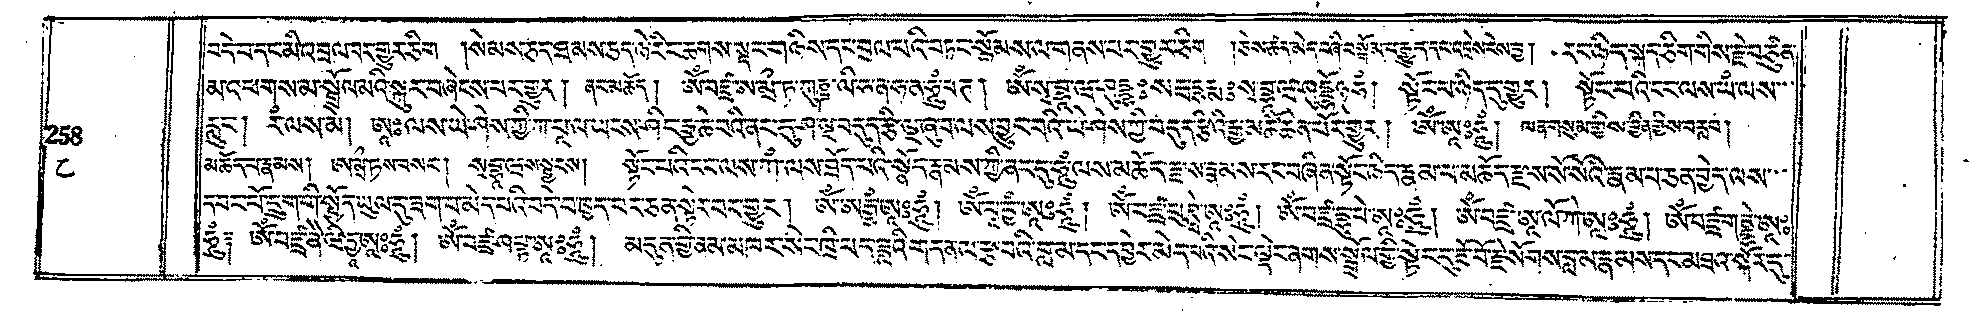བདེ་བ་དང་མི་འབྲལ་བར་གྱུར་ཅིག །སེམས་ཅན་ཐམས་ཅད་ཉེ་རིང་ཆགས་སྡང་གཉིས་དང་བྲལ་པའི་བཏང་སྙོམས་ལ་གནས་པར་གྱུར་ཅིག་།ཅེས་ཚད་མེད་བཞི་བསྒོམ་པ་རྒྱུད་དང་འདྲེས་ངེས་བྱ།  རང་ཉིད་སྐད་ཅིག་གིས་རྗེ་བཙུན་
མ་འཕགས་མ་སྒྲོལ་མའི་སྐུར་བཞེངས་པར་གྱུར། ནང་མཆོད།  ཨོཾ་བཛྲ་ཨ་མྲྀ་ཏ་ཀུཎྜ་ལི་ཧ་ན་ཧ་ན་ཧཱུཾ་ཕཊ། ཨོཾ་སྭ་བྷཱ་ཝ་ཤུདྡྷཿ སརྦ་དྷརྨཿ སྭ་བྷཱ་ཝ་ཤུདྡྷོཉཧཾ། སྟོང་པ་ཉིད་དུ་གྱུར། སྟོང་པའི་ངང་ལས་ཡཾ་ལས་་་
རླུང་། རཾ་ལས་མེ། ཨཱཿ ལས་ཡེ་ཤེས་ཀྱི་ཀ་པཱ་ལ་ཡངས་ཤིང་རྒྱ་ཆེ་བའི་ནང་དུ་ཤ་ལྔ་བདུད་རྩི་ལྔ་ཞུ་བ་ལས་བྱུང་བའི་ཡེ་ཤེས་ཀྱི་བདུད་རྩིའི་རྒྱ་མཚོ་ཆེན་པོར་གྱུར། ཨོཾ་ཨཱཿ ཧཱུཾ། ལན་གསུམ་གྱིས་བྱིན་གྱིས་བརླབ།
མཆོད་པ་རྣམས། ཨ་མྲྀ་ཏས་བསང་། སྭབྷཱ་ཝས་སྦྱངས། སྟོང་པའི་ངང་ལས་ཀཾ་ལས་ཐོད་པའི་སྣོད་རྣམས་ཀྱི་ནང་དུ་ཧཱུཾ་ལས་མཆོད་རྫས་རྣམས་རང་བཞིན་སྟོང་ཉིད་རྣམ་པ་མཆོད་རྫས་སོ་སོའི་རྣམ་པ་ཅན་བྱེད་ལས་་་
དབང་པོ་དྲུག་གི་སྤྱོད་ཡུལ་དུ་ཟག་པ་མེད་པའི་བདེ་བ་ཁྱད་པར་ཅན་སྟེར་བར་གྱུར། ཨོཾ་ཨརྒྷཾ་ཨཱཿ ཧཱུཾ། ཨོཾ་པཱ་དྱཾ་ཨཱཿ ཧཱུཾ། ཨོཾ་བཛྲ་པུཥྤེ་ཨཱཿ ཧཱུཾ། ཨོཾ་བཛྲ་དྷུ་པེ་ཨཱཿ ཧཱུཾ། ཨོཾ་བཛྲ་ཨཱ་ལོ་ཀེ་ཨཱཿ ཧཱུཾ། ཨོཾ་བཛྲ་གནྡྷེ་ཨཱཿ
ཧཱུཾ༑ ཨོཾ་བཛྲ་ནཻ་ཝིདྱཱ་ཨཱཿ ཧཱུཾ། ཨོཾ་བཛྲ་ཤཔྟ་ཨཱཿ ཧཱུཾ། མདུན་གྱི་ནམ་མཁར་སེང་ཁྲི་པད་ཟླའི་གདན་ལ་རྩ་བའི་བླ་མ་དང་དབྱེར་མེད་པའི་སེང་ལྡེང་ནགས་སྒྲོལ་གྱི་སྟེང་དུ་ཇོ་བོ་རྗེ་སོགས་བླ་མ་རྣམས་དང་མཐའ་སྐོར་དུ་་་